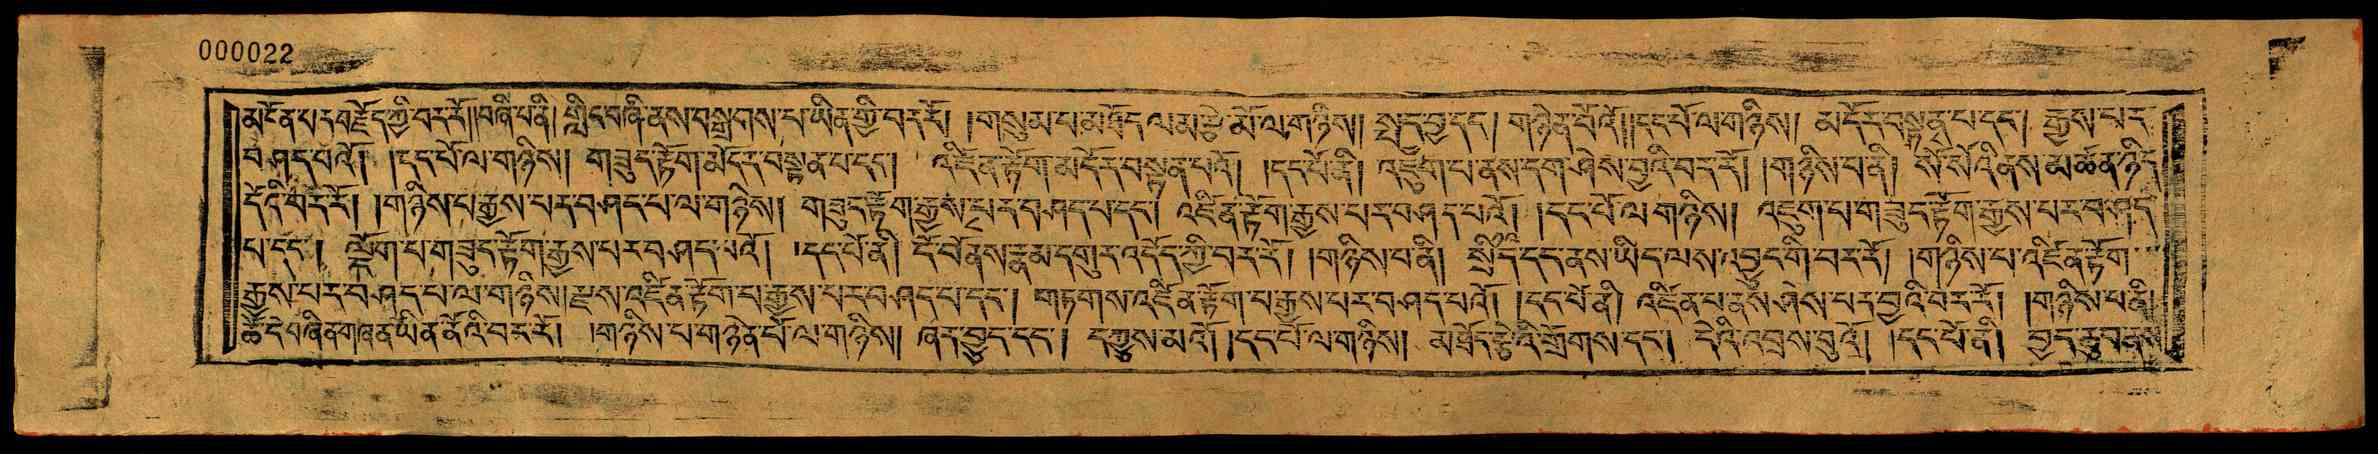མངོན་པར་བརྗོད་ཀྱི་བར་རོ། །བཞི་པ་ནི། གླིང་བཞི་ནས་བསྒྲགས་པ་ཡིན་གྱི་བར་རོ། །གསུམ་པ་མཐོང་ལམ་རྩེ་མོ་ལ་གཉིས། སྤང་བྱ་དང་། གཉེན་པོའོ། །དང་པོ་ལ་གཉིས། མདོར་བསྟན་པ་དང་། རྒྱས་པར་
བཤད་པའོ། །དང་པོ་ལ་གཉིས། གཟུང་རྟོག་མདོར་བསྟན་པ་དང་། འཛིན་རྟོག་མདོར་བསྟན་པའོ། །དང་པོ་ནི། ༤་འཇུག་པ་ནས་དག་ཤེས་བྱའི་བར་རོ། །གཉིས་པ་ནི། སོ་སོའི་ནས་མཚན་ཉིད་
དོའི་བར་རོ། །གཉིས་པ་རྒྱས་པར་བཤད་པ་ལ་གཉིས། གཟུང་རྟོག་རྒྱས་པར་བཤད་པ་དང་། འཛིན་རྟོག་རྒྱས་པར་བཤད་པའོ། །དང་པོ་ལ་གཉིས། འཇུག་པ་གཟུང་རྟོག་རྒྱས་པར་བཤད་
པ་དང་། ལྡོག་པ་གཟུང་རྟོག་རྒྱས་པར་བཤད་པའོ། །དང་པོ་ནི། ངོ་བོ་ནས་རྣམ་དགུར་འདོད་ཀྱི་བར་རོ། །གཉིས་པ་ནི། ༡༢་སྲིད་དང་ནས་ཡིད་ལས་འབྱུང་གི་བར་རོ། །གཉིས་པ་འཛིན་རྟོག་
རྒྱས་པར་བཤད་པ་ལ་གཉིས། རྫས་འཛིན་རྟོག་པ་རྒྱས་པར་བཤད་པ་དང་། བཏགས་འཛིན་རྟག་པ་རྒྱས་པར་བཤད་པའོ། །དང་པོ་ནི། འཛིན་པ་ནས་ཤེས་པར་བྱའི་བར་རོ། །གཉིས་པ་ནི།
ཆེ་དེ་བཞིན་གཞན་ཡིན་ནོའི་བར་རོ། །གཉིས་པ་གཉེན་པོ་ལ་གཉིས། ཞར་བྱུང་དང་། དཀྱུས་མའོ། །དང་པོ་ལ་གཉིས། མཐོང་རྩེའི་གྲོགས་དང་། དེའི་འབྲས་བུའོ། །དང་པོ་ནི། བྱང་ཆུབ་ནས་